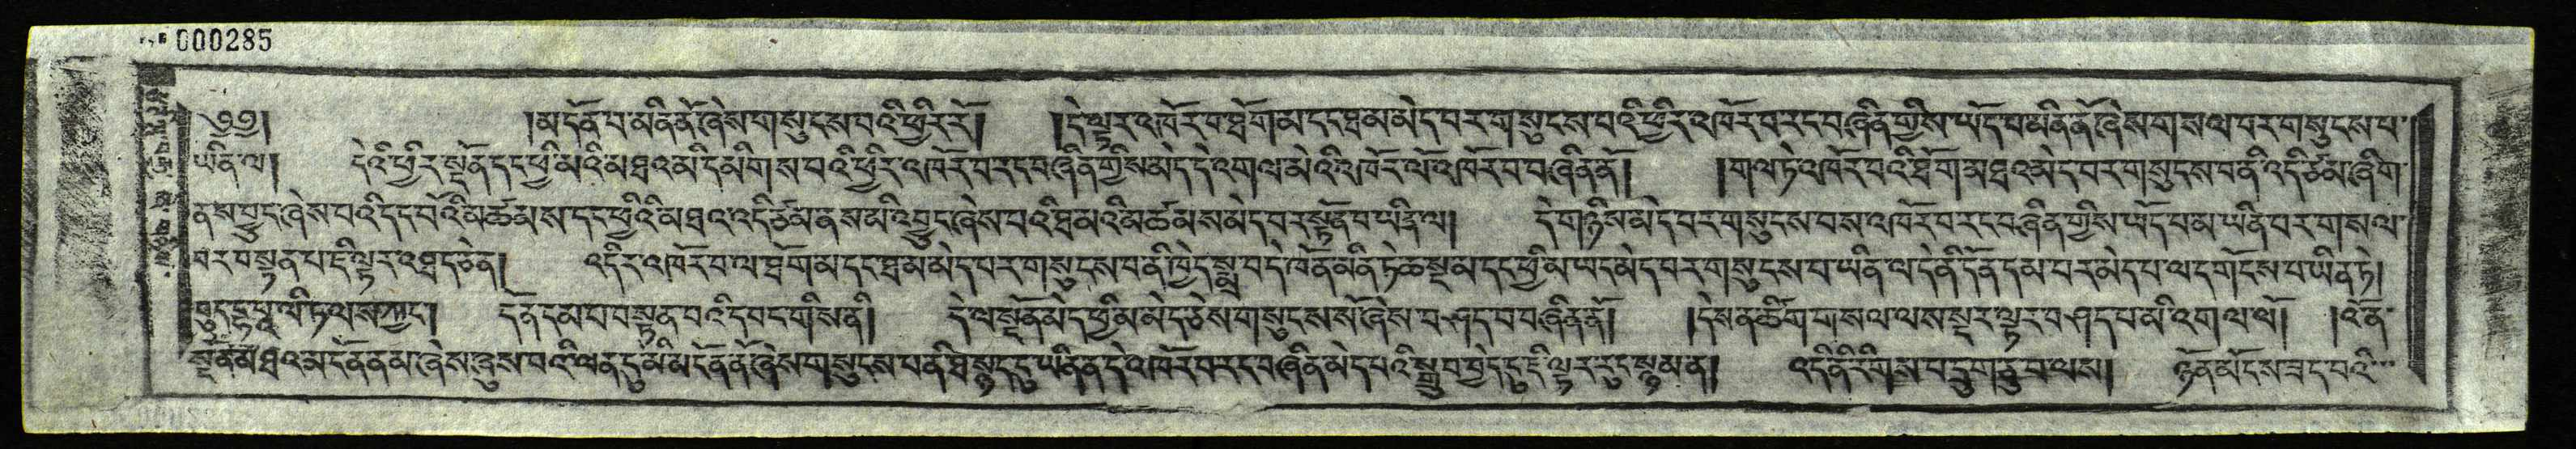༄༅། །མ་དོན་བ་མིན་ནོ་ཞེས་གསུངས་པའི་ཕྱིར་རོ། །དེ་ལྟར་འཁོར་བ་ཐོག་མ་དང་ཐ་མ་མེད་པར་གསུངས་པའི་ཕྱིར་འཁོར་བ་རང་བཞིན་གྱིས་ཡོད་པ་མིན་ནོ་ཞེས་གསལ་བར་གསུངས་པ་
ཡིན་ལ། དེའི་ཕྱིར་སྔོན་དང་ཕྱི་མའི་མཐའ་མི་དམིགས་པའི་ཕྱིར་འཁོར་བ་རང་བཞིན་གྱིས་མེད་དེ་འགལ་མེའི་འཁོར་ལོ་འཁོར་བ་བཞིན་ནོ། །གལ་ཏེ་འཁོར་བའི་ཐོག་མཐའ་མེད་པར་གསུངས་པ་ནི་འདི་ཙམ་ཞིག་
ནས་བྱུང་ཞེས་པའི་དང་པོའི་མཚམས་དང་ཕྱིའི་མཐའ་འདི་ཙམ་ནས་མི་འབྱུང་ཞེས་པའི་ཐ་མའི་མཚམས་མེད་བར་སྟོན་བ་ཡིན་ལ། དེ་གཉིས་མེད་པར་གསུངས་པས་འཁོར་བ་རང་བཞིན་གྱིས་ཡོད་པ་མ་ཡིན་པར་གསལ་
བར་བསྟན་པ་ཇི་ལྟར་འཐད་ཅེ་ན། འདིར་འཁོར་བ་ལ་ཐོག་མ་དང་ཐ་མ་མེད་པར་གསུངས་བ་ནི་ཁྱེད་སྨྲ་བ་དེ་ཁོ་ན་མིན་ཏེ་ཆ་སྔ་མ་དང་ཕྱི་མ་ཡང་མེད་པར་གསུངས་པ་ཡིན་ལ་དེ་ནི་དོན་དམ་པར་མེད་པ་ལ་དགོངས་པ་ཡིན་ཏེ།
བུད་དྷ་པཱ་ལི་ཏ་ལས་ཀྱང་། དོན་དམ་པ་བསྟན་པའི་དབང་གིས་ནི། དེ་ལ་སྔོན་མེད་ཕྱི་མ་མེད་ཅེས་གསུངས་སོ་ཞེས་བཤད་པ་བཞིན་ནོ། །དེས་ན་ཚིག་གསལ་ལས་སྔར་ལྟར་བཤད་པ་མི་འགལ་ལོ། །འོ་ན་
སྔོན་མཐའ་མངོན་ནམ་ཞེས་ཞུས་པའི་ལན་དུ་མི་མངོན་ནོ་ཞེས་གསུངས་པ་ནི་ཐ་སྙད་དུ་ཡིན་ན་དེ་འཁོར་བ་རང་བཞིན་མེད་པའི་སྒྲུབ་བྱེད་དུ་ཇི་ལྟར་རུང་སྙམ་ན། འདི་ནི་རིགས་པ་དྲུག་ཅུ་པ་ལས། ཉོན་མོངས་ཟད་བའི་